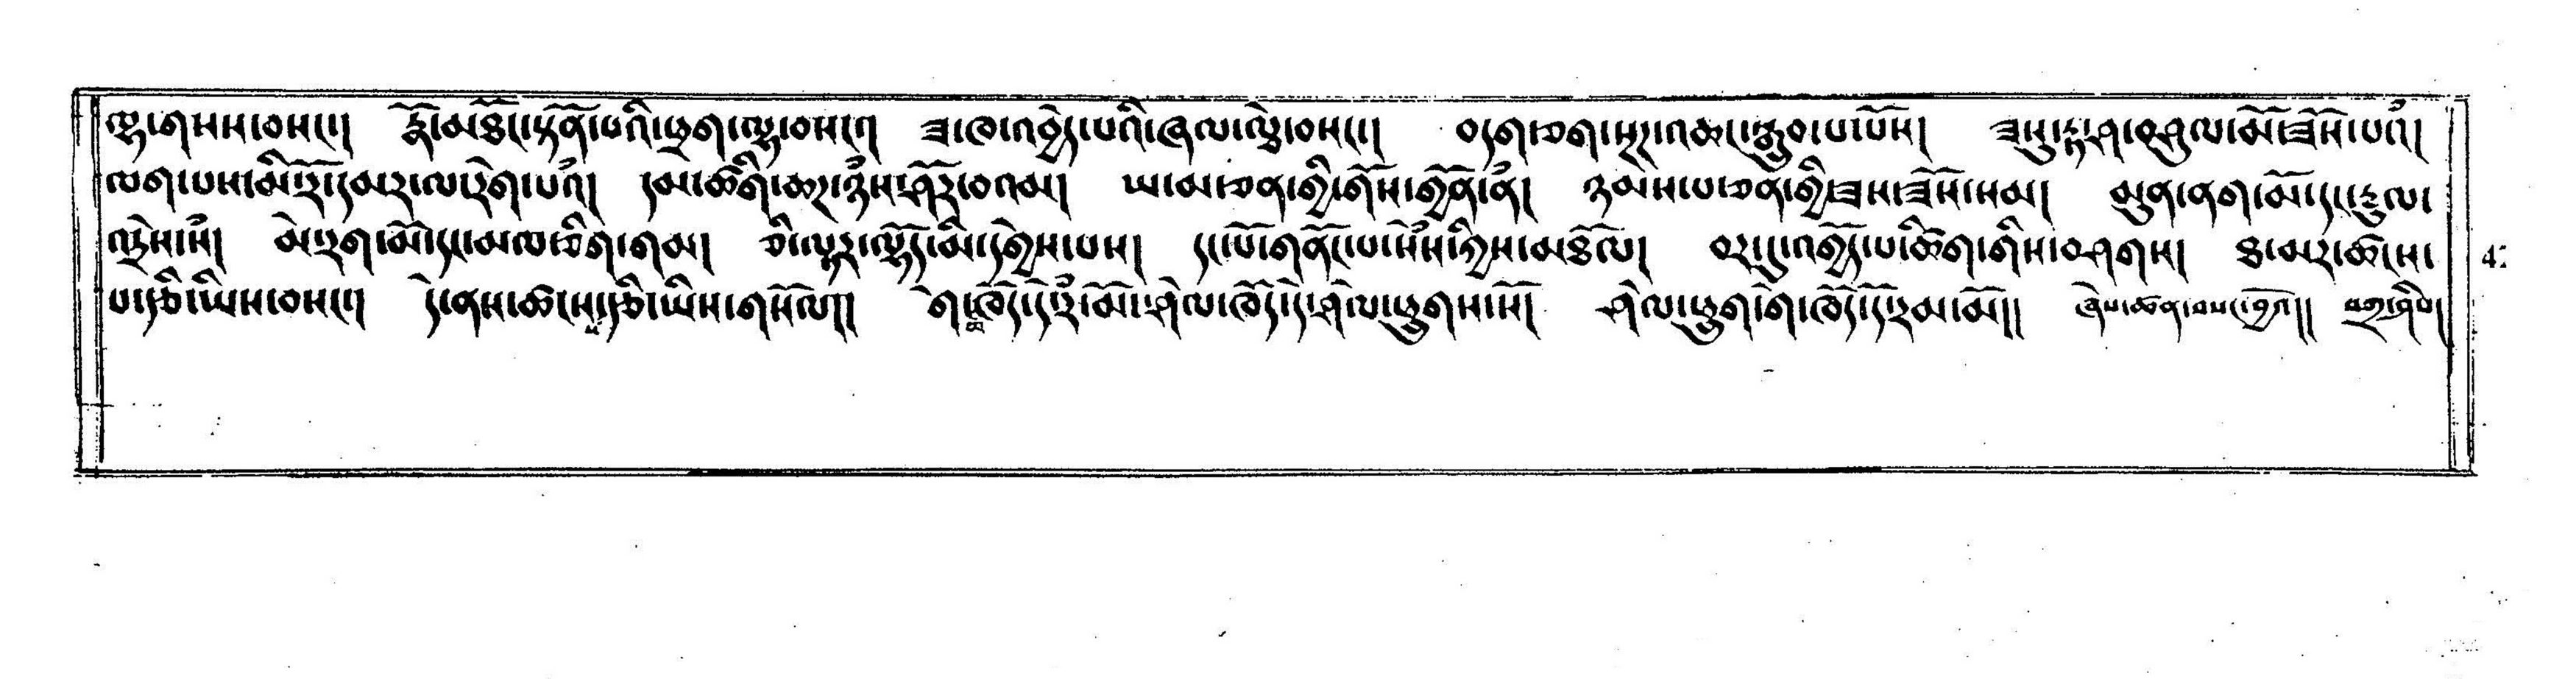ལྷ་གསས་བསང་། རྣོ་མཐོང་སྟོན་པའི་ཕྲག་ལྷ་བསང་། ཟ་ཁ་འབྱེད་པའི་ཞལ་ལྕེ་བསང་། བདག་ཅག་སྔགས་འཆང་སྒྲུབ་པ་པོས། ཟས་སུ་རྟ་ཤ་བཤུལ་མོ་ཟོས་པའམ། 
ལག་པས་མི་རོ་དམར་ལ་རེག་པའམ། དམ་ཚིག་ཆགས་ཉམས་ཤོར་བའམ། ཡ་མ་ཅན་གྱི་གོས་གྱོན་ནམ། ཉམས་པ་ཅན་གྱི་ཟས་ཟོས་སམ། མུན་ནག་མོ་དང་རྔུལ་
འདྲེས་སམ། དམེ་རག་མོ་དང་མལ་ཅིག་གམ། ཅི་ལྟར་ལྷ་རྒོད་མི་དགྱེས་པས། དང་པོ་གནོང་པ་སེམས་ཀྱིས་མཐོལ། བར་དུ་འགྱོད་པ་ཚིག་གིས་བཤགས། ཐ་མར་ཚངས་
པ་རྩི་ཡིས་བསང་། དེ་ནས་ཚངས་པ་རྩི་ཡིས་གསོལ།། གེ་ཡོ་ཁོད་དེ་རམ་མོ་ཤེལ་ཁོད་དེ་ཤེལ་ཕྲུགས་སོ། ཤེལ་ཕྲུག་གེ་ཁོད་དོ་རམ་མོ།། ཞེས་ཚན་བསང་བྱའོ།། བཀྲ་ཤིས།